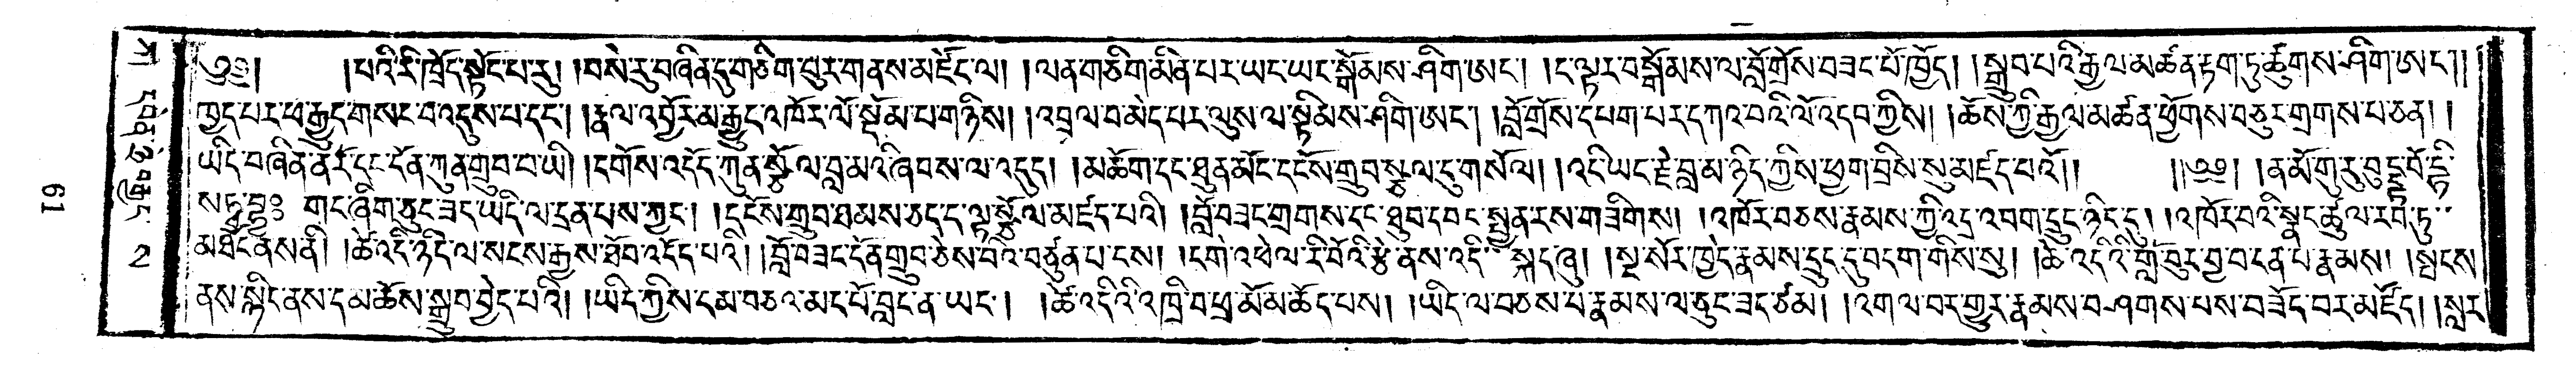༄༅། །པའི་རི་ཁྲོད་སྟོང་པ་རུ། །བསེ་རུ་བཞིན་དུ་གཅིག་པུར་གནས་མཛོད་ལ། །ལན་གཅིག་མིན་པར་ཡང་ཡང་སྒོམས་ཤིག་ནག། །ད་ལྟར་བསྒོམས་ལ་བློ་གྲོས་བཟང་པོ་ཁྱོད། །སྒྲུབ་པའི་རྒྱལ་མཚན་རྟག་ཏུ་ཚུགས་ཤིག་ནག།།
ཁྱད་པར་ཕ་རྒྱུད་གསང་བ་འདུས་པ་དང་། །རྣལ་འབྱོར་མ་རྒྱུད་འཁོར་ལོ་སྡོམ་པ་གཉིས། །འབྲལ་བ་མེད་པར་ལུས་ལ་སྟིམས་ཤིག་ཨང་། །བློ་གྲོས་དཔག་པར་དཀའ་བའི་ལོ་འདབ་ཀྱིས། །ཆོས་ཀྱི་རྒྱལ་མཚན་ཕྱོགས་བཅུར་གྲགས་པ་ཅན། །
ཡིད་བཞིན་ནོར་དང་དོན་ཀུན་གྲུབ་པ་ཡི། །དགོས་འདོད་ཀུན་སྩོལ་བླ་མའི་ཞབས་ལ་འདུད། །མཆོག་དང་ཐུན་མོང་དངོས་གྲུབ་སྩལ་དུ་གསོལ། །འདི་ཡང་རྗེ་བླ་མ་ཉིད་ཀྱིས་ཕྱག་བྲིས་སུ་མཛད་པའོ།། །།༄༅། །ན་མོ་གུ་རུ་བུདྡྷ་བོ་དྷི་
སཏྭ་བྷྱཿ གང་ཞིག་ཅུང་ཟད་ཡིད་ལ་དྲན་པས་ཀྱང་། །དངོས་གྲུབ་ཐམས་ཅད་ད་ལྟ་སྩོལ་མཛད་པའི། །བློ་བཟང་གྲགས་དང་ཐུབ་དབང་སྤྱན་རས་གཟིགས། །འཁོར་བཅས་རྣམས་ཀྱི་འདྲ་འབག་དྲུང་ཉིད་དུ། །འཁོར་བའི་སྣང་ཚུལ་རབ་ཏུ་
མཐོང་ནས་ནི། །ཚེ་འདི་ཉིད་ལ་སངས་རྒྱས་ཐོབ་འདོད་པའི། །བློ་བཟང་དོན་གྲུབ་ཅེས་བའི་བཙུན་པ་ངས། །དགེ་འཕེལ་རི་བོའི་རྩེ་ནས་འདི་སྐད་ཞུ། །སྔ་སོར་ཁྱེད་རྣམས་དྲུང་དུ་བདག་གིས་སུ། །ཚེ་འདིའི་གློ་བུར་བྱ་བ་ངན་པ་རྣམས། །སྤངས་
ནས་སྙིང་ནས་དམ་ཆོས་སྒྲུབ་བྱེད་པའི། །ཡིད་ཀྱིས་དམ་བཅའ་མང་པོ་བླང་ན་ཡང་། །ཚེ་འདིའི་འཁྲི་བ་ཕྲ་མོ་མ་ཆོད་པས། །ཡིད་ལ་བཅས་པ་རྣམས་ལ་ཅུང་ཟད་ཙམ། །འགལ་བར་གྱུར་རྣམས་བཤགས་པས་བཟོད་བར་མཛོད། །སླར་